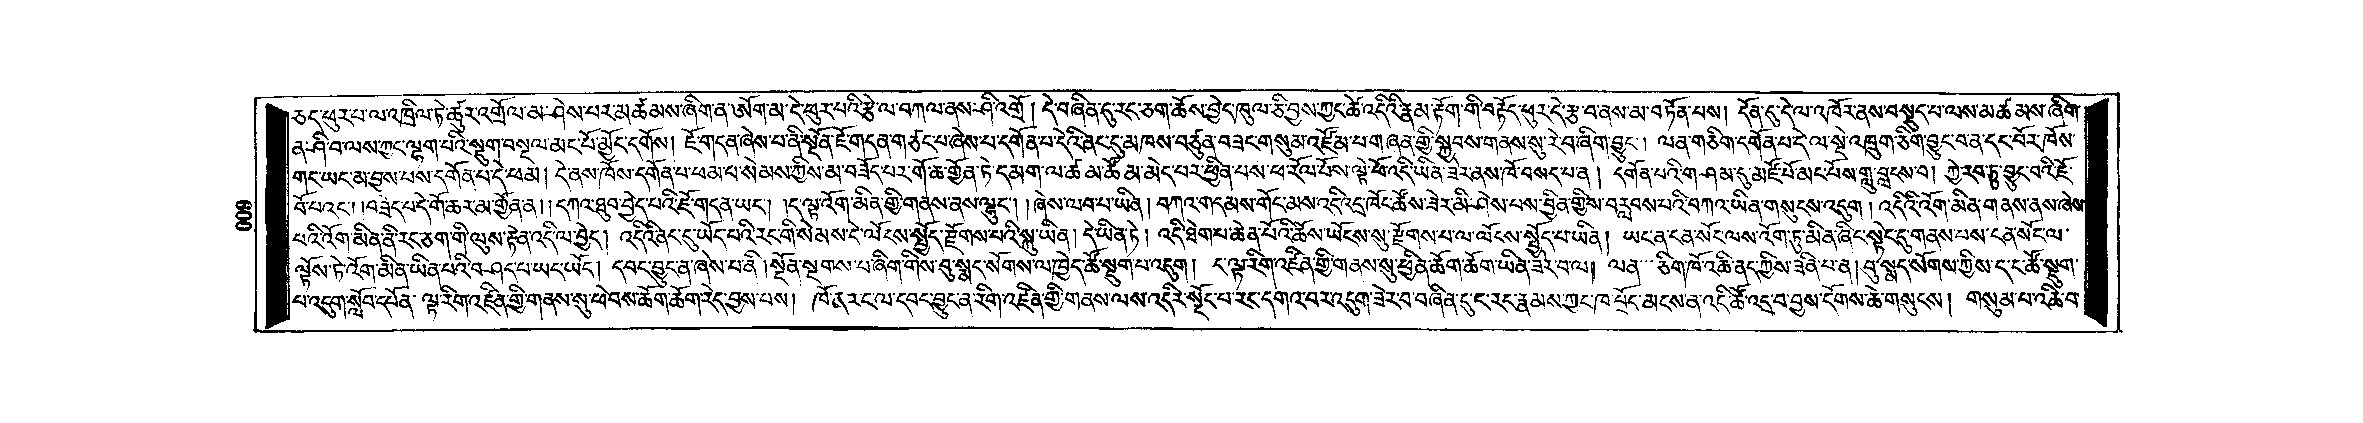ཅད་ཕུར་པ་ལ་འཁྲིལ་ཏེ་ཚུར་འགྲོལ་མ་ཤེས་པར་མཚམས་ཞིག་ན་ཨོག་མ་དེ་ཕུར་པའི་རྩེ་ལ་བཀལ་ནས་ཤི་འགྲོ་།དེ་བཞིན་དུ་རང་ཅག་ཆོས་བྱེད་ཁུལ་ཅི་བྱས་ཀྱང་ཚེ་འདིའི་རྣམ་རྟོག་གི་བརྟོད་ཕུར་དེ་རྩ་བ་ནས་མ་བཏོན་པས། དོན་དུ་དེ་ལ་འཁོར་ནས་བསྡུད་པ་ལས་མཚམས་ཞིག་
ན་ཤི་བ་ལས་ཀྱང་ལྷག་པའི་སྡུག་བསྔལ་མང་པོ་མྱོང་དགོས། ཇོ་གདན་ཞེས་པ་ནི་སྔོན་ཇོ་གདན་གཙང་པ་ཞེས་པ་དགོན་པ་དེའི་ནང་དུ་མཁས་བཙུན་བཟང་གསུམ་འཛོམ་པ་གཞན་གྱི་སྐྱབས་གནས་སུ་རེ་བ་ཞིག་བྱུང་། ལན་གཅིག་དགོན་པ་དེ་ལ་སྡེ་འཁྲུག་ཅིག་བྱུང་བ་ན་དང་པོར་ཁོས་
གང་ཡང་མ་བྱས་པས་དགོན་པ་དེ་ཕམ། དེ་ནས་ཁོས་དགོན་པ་ཕམ་པ་སེམས་ཀྱིས་མ་བཟོད་པར་གོ་ཆ་གྱོན་ཏེ་དམག་ལ་ཚམ་ཚོམ་མེད་པར་ཕྱིན་པས་ཕ་རོལ་པོས་ལྟེ་ཕོ་འདི་ཡིན་ཟེར་ནས་ཁོ་བསད་པ་ན། དགོན་པའི་གཤམ་དུ་མཛོ་པོ་མང་པོས་གླུ་བླངས་བ། ཀྱེ་རབ་ཏུ་བྱུང་བའི་ཇོ་
བོ་པའང་། །བཟོད་པ་དེ་གོ་ཆར་མ་གྱོན་ན། །དཀའ་ཐུབ་བྱེད་པའི་ཇོ་གདན་ཡང་། །ད་ལྟ་འོག་མིན་གྱི་གནས་ནས་ལྷུང་། །ཞེས་ལབ་པ་ཡིན། བཀའ་གདམས་གོང་མས་འདི་འདྲ་ཁོང་ཚོས་ཟེར་མི་ཤེས་པས་བྱིན་གྱིས་བརླབས་པའི་བཀའ་ཡིན་གསུངས་འདུག །འདིའི་འོག་མིན་གནས་ནས་ཞེས་
པའི་འོག་མིན་ནི་རང་ཅག་གི་ལུས་རྟེན་འདི་ལ་བྱེད། འདིའི་ནང་དུ་ཡོད་པའི་རང་གི་སེམས་དེ་ལོངས་སྤྱོད་རྫོགས་པའི་སྐུ་ཡིན། དེ་ཡིན་ཏེ། འདི་ཐེག་པ་ཆེན་པོའི་ཆོས་ཡོངས་སུ་རྫོགས་པ་ལ་ལོངས་སྤྱོད་པ་ཡིན། ཡང་ན་ངན་སོང་ལས་འོག་ཏུ་མིན་ཞིང་སྟེང་དུ་གནས་པས་ངན་སོང་ལ་
ལྟོས་ཏེ་འོག་མིན་ཡིན་པའི་བཤད་པ་ཡང་ཡོང་། དབང་བྱུང་ན་ཞེས་པ་ནི། སྔོན་སྔགས་པ་ཞིག་གིས་བུ་སྨད་སོགས་ལ་ཁྱེད་ཚོ་སྡུག་པ་འདུག །ད་ལྟ་རིག་འཛིན་གྱི་གནས་སུ་ཕྱིན་ཆོག་ཆོག་ཡིན་ཟེར་བ་ལ། ལན་ཅིག་ཁོ་འཆི་ནད་ཀྱིས་ཟིན་པ་ན། བུ་སྨད་སོགས་ཀྱིས་ད་ང་ཚོ་སྡུག་
པ་འདུག་སློབ་དཔོན་ལྟ་རིག་འཛིན་གྱི་གནས་སུ་ཕེབས་ཆོག་ཆོག་རེད་བྱས་པས། ཁོ་ན་རང་ལ་དབང་བྱུང་ན་རིག་འཛིན་གྱི་གནས་ལས་འདིར་སྡོང་པ་རང་དགའ་བར་འདུག་ཟེར་བ་བཞིན་དུ་ང་རང་རྣམས་ཀྱང་ཁ་པྲོད་མངས་ན་འདི་ཚོ་འདྲ་བ་བྱས་དོགས་ཆེ་གསུངས། གསུམ་པ་འཆི་བ་